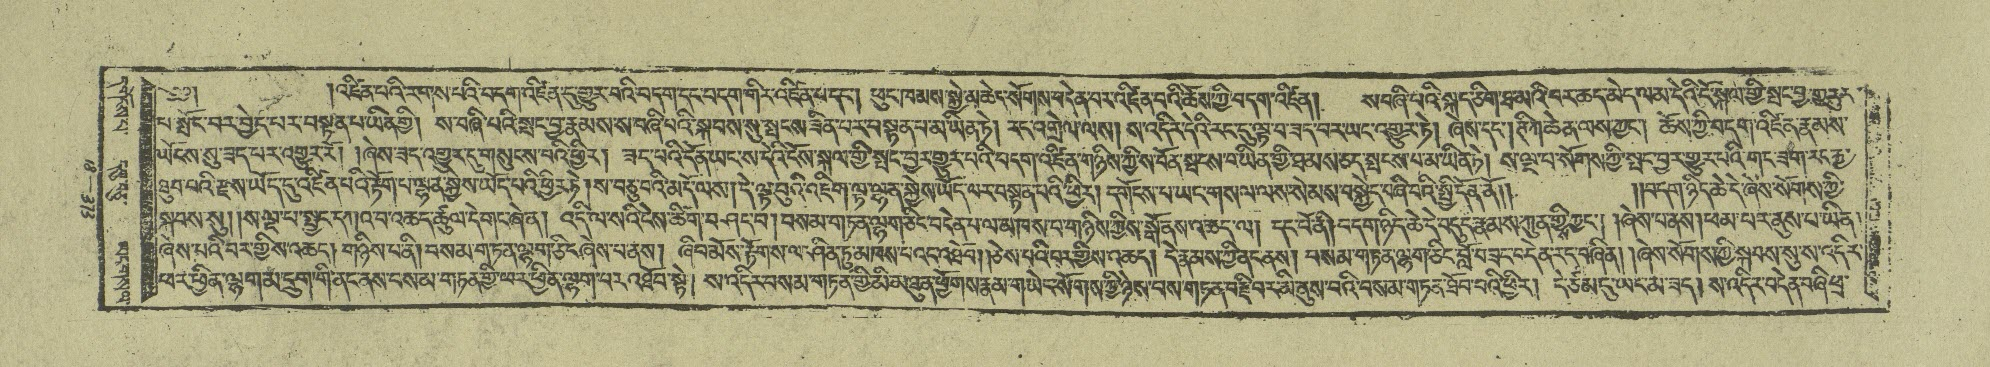༄༅། །འཛིན་པའི་རགས་པའི་བདག་འཛིན་དུ་གྱུར་པའི་བདག་དང་བདག་གིར་འཛིན་པ་དང་། ཕུང་ཁམས་སྐྱེ་མཆེད་སོགས་བདེན་པར་འཛིན་པའི་ཆོས་ཀྱི་བདག་འཛིན། ས་བཞི་པའི་སྐད་ཅིག་ཐ་མའི་བར་ཆད་མེད་ལམ་དེའི་ངོ་སྐལ་གྱི་སྤང་བྱར་གྱུར་
པ་སྤོང་བར་བྱེད་པར་བསྟན་པ་ཡིན་གྱི། ས་བཞི་པའི་སྤང་བྱ་རྣམས་ས་བཞི་པའི་སྐབས་སུ་སྤངས་ཟིན་པར་བསྟན་པ་མ་ཡིན་ཏེ། རང་འགྲེལ་ལས། ས་འདིར་དེའི་རང་དུ་ལྟ་བ་ཟད་པར་ཡང་འགྱུར་ཏེ། ཞེས་དང་། ཊིཀ་ཆེན་ལས་ཀྱང་། ཆོས་ཀྱི་བདག་འཛིན་རྣམས་
ཡོངས་སུ་ཟད་པར་འགྱུར་རོ། །ཞེས་ཟད་འགྱུར་དུ་གསུངས་པའི་ཕྱིར། ཟད་པའི་དོན་ཡང་ས་དེའི་ངོས་སྐལ་གྱི་སྤང་བྱར་གྱུར་པའི་བདག་འཛིན་གཉིས་ཀྱི་ས་བོན་སྤངས་བ་ཡིན་གྱི་ཐམས་ཅད་སྤངས་པ་མ་ཡིན་ཏེ། ས་ལྔ་པ་སོགས་ཀྱི་སྤང་བྱར་གྱུར་པའི་གང་ཟག་རང་རྐྱ་
ཐུབ་པའི་རྫས་ཡོད་དུ་འཛིན་པའི་རྟོག་པ་ལྷན་སྐྱེས་ཡོད་པའི་ཕྱིར་ཏེ། ས་བཅུ་པའི་མདོ་ལས། དེ་ལྟ་བུའི་འཇིག་ལྟ་ལྷན་སྐྱེས་ཡོད་པར་བསྟན་པའི་ཕྱིར། དགོངས་པ་ཡང་གསལ་ལས་སེམས་བསྐྱེད་བཞི་པའི་སྤྱི་དོན་ནོ། ། ། །བདག་ཉིད་ཆེ་དེ་ཞེས་སོགས་ཀྱི་
སྐབས་སུ། །ས་ལྔ་པ་སྦྱང་དཀའ་བ་འཆད་ཚུལ་དེ་གང་ཞེ་ན། འདི་ལ་སའི་ངེས་ཚིག་བཤད་པ། བསམ་གཏན་ལྷག་ཅིང་བདེན་པ་ལ་མཁས་པ་གཉིས་ཀྱིས་སྒོ་ནས་འཆད་ལ། དང་པོ་ནི། བདག་ཉིད་ཆེ་དེ་བདུད་རྣམས་ཀུན་གྱིས་ཀྱང་། །ཞེས་པ་ནས། ཕམ་པར་ནུས་པ་ཡིན།
ཞེས་པའི་བར་གྱིས་འཆད། གཉིས་པ་ནི། བསམ་གཏན་ལྷག་ཅིང་ཞེས་སྤ་ནས། ཞིབ་མོས་རྟོགས་ལ་ཤིན་ཏུ་མཁས་པའང་འཐོབ། །ཅེས་པའི་བར་གྱིས་འཆད། དེ་རྣམས་ཀྱི་ནང་ནས། བསམ་གཏན་ལྷག་ཅིང་བློ་བཟང་བདེན་རང་བཞིན། །ཞེས་སོགས་ཀྱི་སྐབས་སུ་འདིར་
ཕར་ཕྱིན་ལྷག་མ་དྲུག་གི་ནང་ནས་བསམ་གཏན་གྱི་ཕར་ཕྱིན་ལྷག་པར་འཐོབ་སྟེ། ས་འདིར་བསམ་གཏན་གྱི་མི་མཐུན་ཕྱོགས་རྣམ་གཡེང་སོགས་ཀྱི་ཉེས་པས་གཏན་བརྫི་བར་མི་ནུས་པའི་བསམ་གཏན་ཐོབ་པའི་ཕྱིར། དེ་ཙམ་དུ་ཡང་མ་ཟད། ས་འདིར་བདེན་བཞི་ཕྲ་